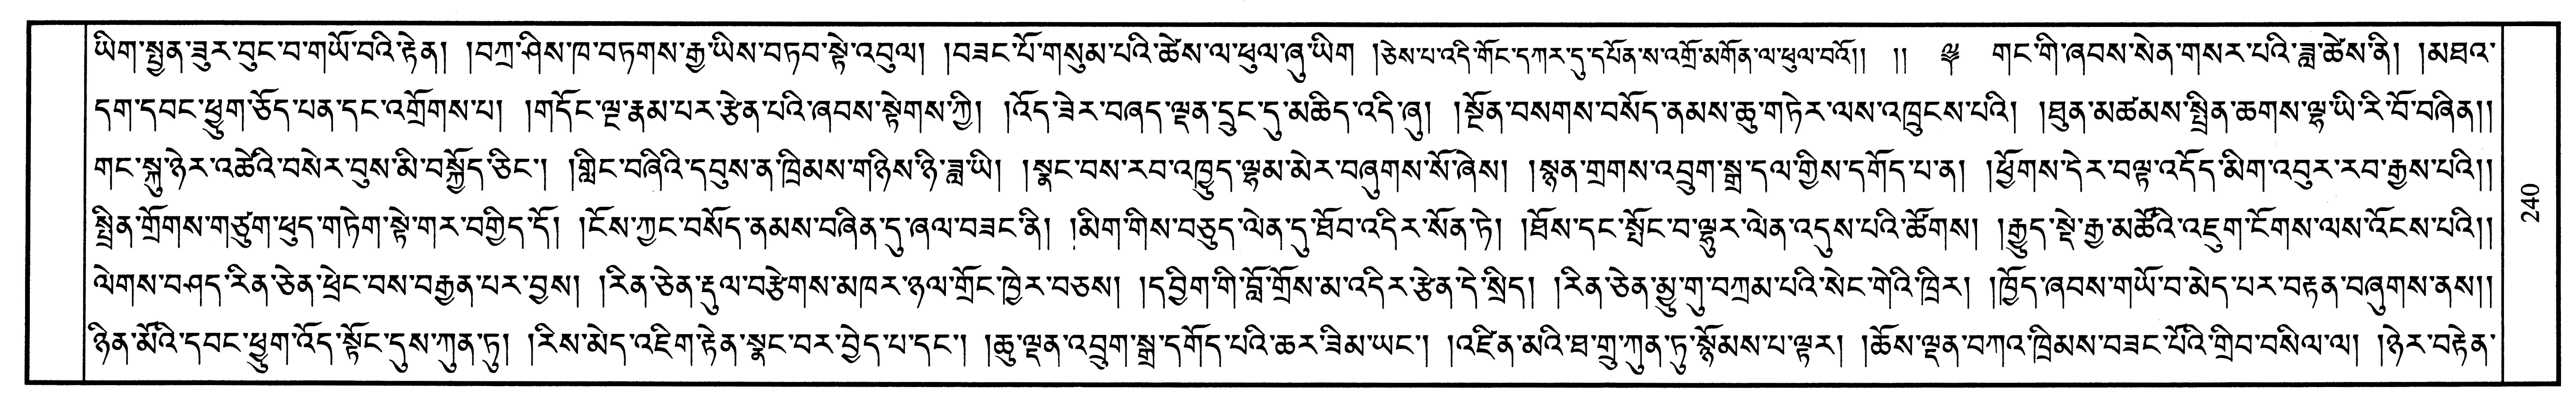ཡིག་སྤྱན་ཟུར་བུང་བ་གཡོ་བའི་རྟེན། །བཀྲ་ཤིས་ཁ་བཏགས་རྒྱ་ཡིས་བཏབ་སྟེ་འབུལ། །བཟང་པོ་གསུམ་པའི་ཚེས་ལ་ཕུལ་ཞུ་ཡིག །ཅེས་པ་འདི་གོང་དཀར་དུ་དཔོན་ས་འགྲོ་མགོན་ལ་ཕུལ་བའོ།། །། ༈ གང་གི་ཞབས་སེན་གསར་པའི་ཟླ་ཚེས་ནི། །མཐའ་
དག་དབང་ཕྱུག་ཅོད་པན་དང་འགྲོགས་པ། །གདོང་ལྔ་རྣམ་པར་རྩེན་པའི་ཞབས་སྟེགས་ཀྱི། །འོད་ཟེར་བཞད་ལྡན་དྲུང་དུ་མཆིད་འདི་ཞུ། །སྔོན་བསགས་བསོད་ནམས་ཆུ་གཏེར་ལས་འཁྲུངས་པའི། །ཐུན་མཚམས་སྤྲིན་ཆགས་ལྷ་ཡི་རི་བོ་བཞིན།།
གང་སྐུ་ཉེར་འཚེའི་བསེར་བུས་མི་བསྐྱོད་ཅིང་། །གླིང་བཞིའི་དབུས་ན་ཁྲིམས་གཉིས་ཉི་ཟླ་ཡི། །སྣང་བས་རབ་འཁྱུད་ལྷམ་མེར་བཞུགས་སོ་ཞེས། །སྙན་གྲགས་འབྲུག་སྒྲ་དལ་གྱིས་དགོད་པ་ན། །ཕྱོགས་དེར་བལྟ་འདོད་མིག་འབུར་རབ་རྒྱས་པའི།།
སྤྲིན་གྲོགས་གཙུག་ཕུད་གཏེག་སྟེ་གར་བགྱིད་དོ། །ངོས་ཀྱང་བསོད་ནམས་བཞིན་དུ་ཞལ་བཟང་ནི། །མིག་གིས་བཅུད་ལེན་དུ་ཐོབ་འདིར་སོན་ཏེ། །ཐོས་དང་སྤོང་བ་ལྷུར་ལེན་འདུས་པའི་ཚོགས། །རྒྱུད་སྡེ་རྒྱ་མཚོའི་འཇུག་ངོགས་ལས་འོངས་པའི།།
ལེགས་བཤད་རིན་ཅེན་ཕྲེང་བས་བརྒྱན་པར་བྱས། །རིན་ཅེན་རྡུལ་བརྩེགས་མཁར་ཉལ་གྲོང་ཁྱེར་བཅས། །དབྱིག་གི་བློ་གྲོས་མ་འདིར་རྩེན་དེ་སྲིད། །རིན་ཅེན་མྱུ་གུ་བཀྲམ་པའི་སེང་གེའི་ཁྲིར། །ཁྱོད་ཞབས་གཡོ་བ་མེད་པར་བརྟན་བཞུགས་ནས།།
ཉིན་མོའི་དབང་ཕྱུག་འོད་སྟོང་དུས་ཀུན་ཏུ། །རིས་མེད་འཇིག་རྟེན་སྣང་བར་བྱེད་པ་དང་། །ཆུ་ལྡན་འབྲུག་སྒྲ་དགོད་པའི་ཆར་ཟིམ་ཡང་། །འཛིན་མའི་ཐ་གྲུ་ཀུན་ཏུ་སྙོམས་པ་ལྟར། །ཆོས་ལྡན་བཀའ་ཁྲིམས་བཟང་པོའི་གྲིབ་བསིལ་ལ། །ཉེར་བརྟེན་